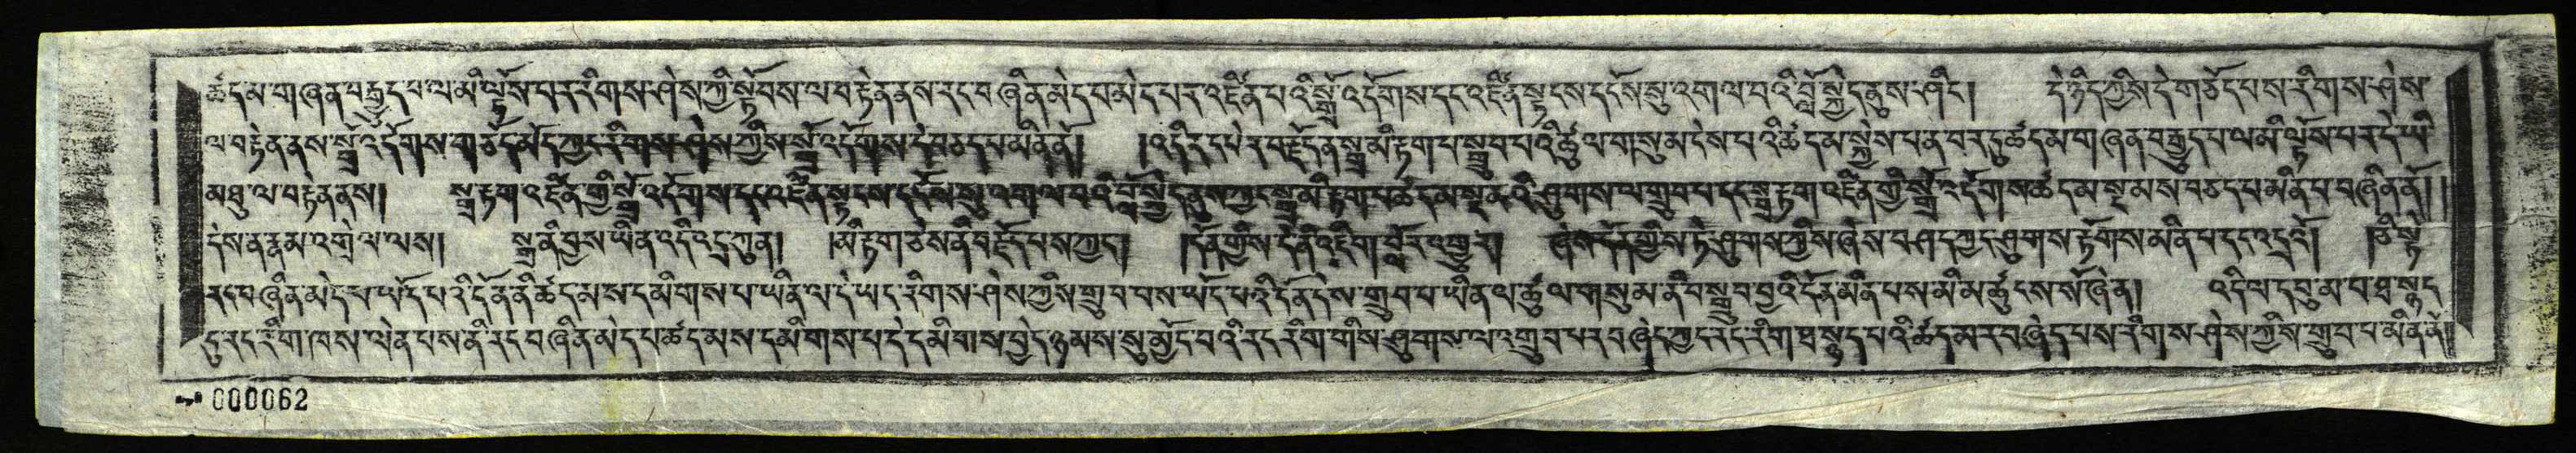ཚད་མ་གཞན་བརྒྱུད་པ་ལ་མི་ལྟོས་པར་རིགས་ཤེས་ཀྱི་སྟོབས་ལ་བརྟེན་ནས་རང་བཞིན་མེད་པ་མེད་པར་འཛིན་པའི་སྒྲོ་འདོགས་དང་འཛིན་སྟངས་དངོས་སུ་འགལ་བའི་བློ་སྐྱེད་ནུས་ཤིང་། དེ་ཉིད་ཀྱིས་དེ་གཅོད་པས་རིགས་ཤེས་
ལ་བརྟེན་ནས་སྒྲོ་འདོགས་གཅོད་མོད་ཀྱང་རིགས་ཤེས་ཀྱིས་སྒྲོ་འདོགས་དེ་བཅད་པ་མིན་ནོ། །འདིར་དཔེར་བརྗོད་ན་སྒྲ་མི་རྟག་པ་སྒྲུབ་པའི་ཚུལ་གསུམ་ངེས་པའི་ཚད་མ་སྐྱེས་པ་ན་བར་དུ་ཚད་མ་གཞན་བརྒྱུད་པ་ལ་མི་ལྟོས་པར་དེ་ཡི་
མཐུ་ལ་བརྟེན་ནས། སྒྲ་རྟག་འཛིན་གྱི་སྒྲོ་འདོགས་དང་འཛིན་སྟངས་དངོས་སུ་འགལ་བའི་བློ་སྐྱེད་ནུས་ཀྱང་སྒྲ་མི་རྟག་པ་ཚད་མ་སྔ་མའི་ཤུགས་ལ་གྲུབ་པ་དང་སྒྲ་རྟག་འཛིན་གྱི་སྒྲོ་འདོགས་ཚད་མ་སྔ་མས་བཅད་པ་མིན་པ་བཞིན་ནོ། །
དེས་ན་རྣམ་འགྲེལ་ལས། སྒྲ་ནི་བྱས་ཡིན་འདི་འདྲ་ཀུན། །མི་རྟག་ཅེས་ནི་བརྗོད་པས་ཀྱང་། །དོན་གྱིས་དེ་ནི་འཇིག་བློར་འགྱུར། ཞེས་དོན་གྱིས་ཏེ་ཤུགས་ཀྱིས་ཞེས་བཤད་ཀྱང་ཤུགས་རྟོགས་མིན་པ་དང་འདྲའོ། །ཅི་སྟེ་
རང་བཞིན་མེད་པ་ཡོད་པའི་དོན་ནི་ཚད་མས་དམིགས་པ་ཡིན་ལ་དེ་ཡང་རིགས་ཤེས་ཀྱིས་གྲུབ་པས་ཡོད་པའི་དོན་དེས་གྲུབ་པ་ཡིན་ལ་ཚུལ་གསུམ་ནི་བསྒྲུབ་བྱའི་དོན་མིན་པས་མི་མཚུངས་སོ་ཞེ་ན། འདི་ལ་དབུ་མ་བ་ཐ་སྙད་
དུ་རང་རིག་ཁས་ལེན་པས་ནི་རང་བཞིན་མེད་པ་ཚད་མས་དམིགས་པ་དེ་དམིགས་བྱེད་ཉམས་སུ་མྱོང་བའི་རང་རིག་གིས་ཤུགས་ལ་འགྲུབ་པར་བཞེད་ཀྱང་རང་རིག་ཐ་སྙད་པའི་ཚད་མར་བཞེད་པས་རིགས་ཤེས་ཀྱིས་གྲུབ་པ་མིན་ནོ།